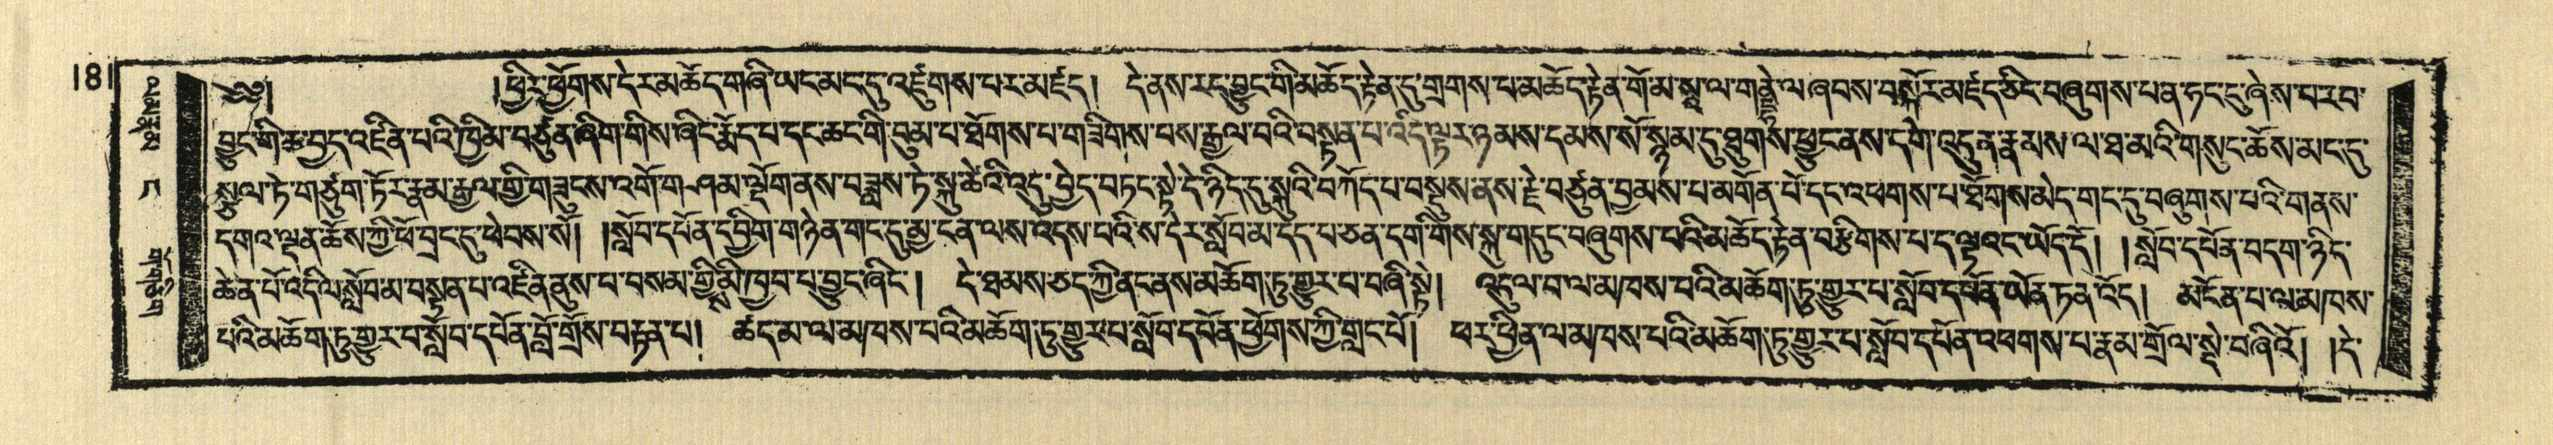༄༅། །ཕྱིར་ཕྱོགས་དེར་མཆོད་གཞི་ཡང་མང་དུ་འཛུགས་པར་མཛད། དེ་ནས་རང་བྱུང་གི་མཆོད་རྟེན་དུ་གྲགས་པ་མཆོད་རྟེན་གོ་མ་སཱ་ལ་གནྡྷེ་ལ་ཞབས་བསྐོར་མཛད་ཅིང་བཞུགས་པ་ན་ཧང་དུ་ཞེས་བ་རབ་
བྱུང་གི་ཆ་བྱད་འཛིན་པའི་ཁྱིམ་བཙུན་ཞིག་གིས་ཞིང་རྨོད་པ་དང་ཆང་གི་བུམ་པ་ཐོགས་པ་གཟིགས་པས་རྒྱལ་པའི་བསྟན་པ་འདི་ལྟར་ཉམས་དམས་སོ་སྙན་དུ་ཐུགས་ཕྱུང་ནས་དགེ་འདུན་རྣམས་ལ་ཐ་མའི་གསུང་ཆོས་མང་དུ་
སྩལ་ཏེ་གཙུག་ཏོར་རྣམ་རྒྱལ་གྱི་གཟུངས་འགོ་གཤམ་ལྡོག་ནས་བཟླས་ཏེ་སྐུ་ཚེའི་འདུ་བྱེད་བཏང་སྟེ་དེ་ཉིད་དུ་སྐུའི་བཀོད་པ་བསྡུས་ནས་རྗེ་བཙུན་བྱམས་པ་མགོན་པོ་དང་འཕགས་པ་ཐོགས་མེད་གང་དུ་བཞུགས་པའི་གནས་
དགའ་ལྡན་ཆོས་ཀྱི་ཕོ་བྲང་དུ་ཕེབས་སོ། །སློབ་དཔོན་དབྱིག་གཉེན་གང་དུ་མྱ་ངན་ལས་འདས་པའི་ས་དེར་སློབ་མ་དད་པ་ཅན་དག་གིས་སྐུ་གདུང་བཞུགས་པའི་མཆོད་རྟེན་བརྩིགས་པ་ད་ལྟའང་ཡོད་དོ། །སློབ་དཔོན་བདག་ཉིད་
ཆེན་པོ་འདི་ལ་སློབ་མ་བསྟན་པ་འཛིན་ནུས་པ་བསམ་གྱིས་མི་ཁྱབ་པ་བྱུང་ཞིང་། དེ་ཐམས་ཅད་ཀྱི་ནང་ནས་མཆོག་ཏུ་གྱུར་བ་བཞི་སྟེ། འདུལ་བ་ལ་མཁས་པའི་མཆོག་ཏུ་གྱུར་པ་སློབ་དཔོན་ཡོན་ཏན་འོད། མངོན་པ་ལ་མཁས་
པའི་མཆོག་ཏུ་གྱུར་པ་སློབ་དཔོན་བློ་གྲོས་བརྟན་པ། ཚད་མ་ལ་མཁས་པའི་མཆོག་ཏུ་གྱུར་པ་སློབ་དཔོན་ཕྱོགས་ཀྱི་གླང་པོ། ཕར་ཕྱིན་ལ་མཁས་པའི་མཆོག་ཏུ་གྱུར་པ་སློབ་དཔོན་འཕགས་པ་རྣམ་གྲོལ་སྡེ་བཞིའོ། །དེ་